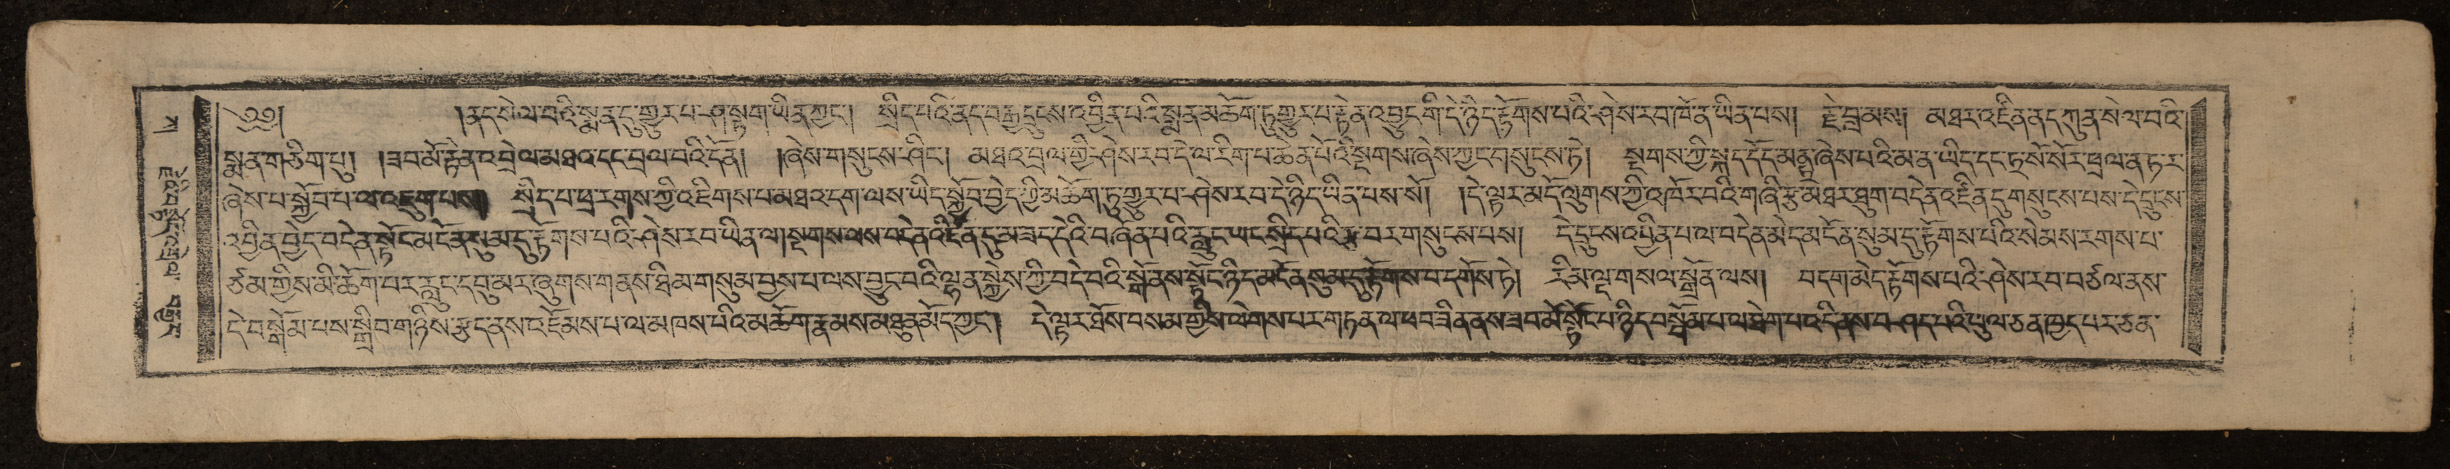༄༅། །ནད་སེལ་བའི་སྨན་དུ་གྱུར་བ་ཤ་སྟག་ཡིན་ཀྱང་། སྲིད་བའི་ནད་བརྒྱ་དྲུངས་འབྱིན་པའི་སྨན་མཆོག་ཏུ་གྱུར་པ་རྟེན་འབྱུང་གི་དེ་ཉིད་རྟོགས་པའི་ཤེས་རབ་ཁོ་ན་ཡིན་པས། རྗེ་བླ་མས། མཐར་འཛིན་ནད་ཀུན་སེལ་བའི་
སྨན་གཅིག་པུ། །ཟབ་མོ་རྟེན་འབྲེལ་མཐའ་དང་བྲལ་བའི་དོན། །ཞེས་གསུངས་ཤིང་། མཐའ་བྲལ་གྱི་ཤེས་རབ་དེ་ལ་རིག་བ་ཆེན་པོའི་སྔགས་ཞེས་ཀྱང་གསུངས་ཏེ། སྔགས་ཀྱི་སྐད་དོད་མནྟྲ་ཞེས་པའི་མན་ཡིད་དང་ཏྲ་སོ་སོར་ཕྲལ་ན་ཏ་ར་
ཞེས་པ་སྐྱོབ་པ་ལ་འཇུག་པས། སྲིད་པ་ཕྲ་རགས་ཀྱི་འཇིགས་པ་མཐའ་དག་ལས་ཡིད་སྐྱོབ་བྱེད་ཀྱི་མཆོག་ཏུ་གྱུར་པ་ཤེས་རབ་དེ་ཉིད་ཡིན་པས་སོ། །དེ་ལྟར་མདོ་ལུགས་ཀྱི་འཁོར་བའི་གཞི་རྩ་མེ་ཐར་ཐུག་བདེན་འཛིན་དུ་གསུངས་པས་དེ་དྲུངས་
འབྱིན་ཕྱེད་བདེན་སྟོང་མངོན་སུམ་དུ་རྟོགས་པའི་ཤེས་རབ་ཡིན་ལ། སྔགས་ལས་བདེན་འཛིན་དུ་མ་ཟད་དེའི་བཞིན་བའི་རླུང་ཡང་སྲིད་པའི་རྩ་བར་གསུངས་པས། དེ་དྲུངས་འབྱིན་པ་ལ་བདེན་མེད་མངོན་སུམ་དུ་རྟོགས་པའི་སེམས་རགས་པ་
ཙམ་གྱིས་མི་ཆོག་པར་རླུང་དབུ་མར་ཞུགས་གནས་ཐིམ་གསུམ་བྱས་པ་ལས་བྱུང་བའི་ལྷན་སྐྱེས་ཀྱི་བདེ་བའི་སྒོ་ནས་སྟོང་ཉིད་མངོན་སུམ་དུ་རྟོགས་བ་དགོས་ཏེ། རིམ་ལྔགས་ལ་སྒྲོན་ལས། བདག་མེད་རྟོགས་པའི་ཤེས་རབ་བཙལ་ནས་
དེ་བསྒོམ་བས་སྒྲིབ་གཉིས་རྩད་ནས་འཇོམས་པ་ལ་མཁས་བའི་མཆོག་རྣམས་མཐུན་མོད་ཀྱང་། དེ་ལྟར་ཐོས་བསམ་གྱིས་ལེགས་བར་གཏན་ལ་ཕབ་ཟིན་ནས་ཟབ་མོ་སྟོང་པ་ཉིད་བསྒོམ་པ་ལ་ཐེག་པ་འདི་ནས་བཤད་པའི་ཡུལ་ཅན་ཁྱད་པར་ཅན་